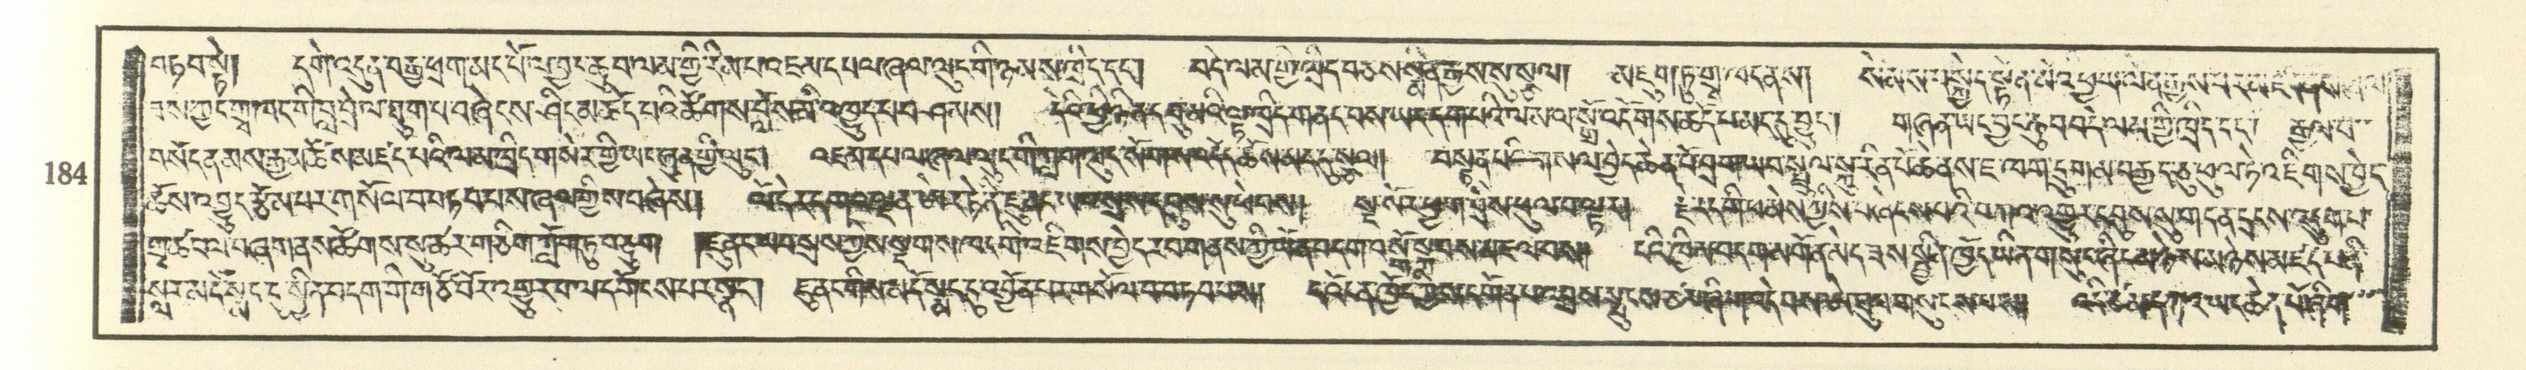བཏབ་སྟེ། དགེ་འདུན་བརྒྱ་ཕྲག་མང་པོ་ལ་བྱང་ཆུབ་ལམ་གྱི་རིམ་པ་འཇམ་དཔལ་ཞལ་ལུང་གི་ཉམས་ཁྲིད་དང་། བདེ་ལམ་གྱི་ཁྲིད་བཅས་སྨིན་རྒྱས་སུ་སྩལ། མཇུག་ཏུ་གྲྭ་ཁང་ནས། སེམས་བསྐྱེད་སྟོན་མོའི་ཕྱག་ལེན་རྒྱས་པར་མཛད་ནས་ཞལ་
ཟས་ཀྱང་གྲྭ་ཁང་གི་བླ་བྲེལ་ཐུག་པ་བཞེངས་ཤིང་མཆོད་པའི་ཚོགས་བློས་མི་འཁྱུད་པ་བཤམས། དེའི་ཕྱི་ཉིན་དབུ་མའི་ལྟ་ཁྲིད་གནང་བས་ཡང་དག་པའི་ལམ་ལ་སྒྲོ་འདོགས་ཆོད་པ་མང་དུ་བྱུང་། གཞན་ཡང་བྱང་ཆུབ་བདེ་ལམ་གྱི་ཁྲིད་དང་། རྒྱལ་བ་
བསོད་ནམས་རྒྱ་མཚོས་མཛད་པའི་ལམ་ཁྲིད་གསེར་གྱི་ཡང་ཞུན་གྱི་ལུང་། འཇམ་དཔལ་ཞལ་ལུང་གི་ཀླག་ལུང་སོགས་འདོད་ཆོས་མང་དུ་སྩལ། བསྟན་པའི་གསལ་བྱེད་ཆེན་པོ་བྲག་ཡབ་སྤྲུལ་སྐུ་རིན་པོ་ཆེ་ནས་ཇ་ལག་དྲུག་མ་བརྒྱད་ཅུ་ཕུལ་ཏེ་འཇིགས་བྱེད་
ཆོས་འབྱུང་རྩོམ་པར་གསོལ་བ་བཏབ་པས་ཞལ་གྱིས་བཞེས། ལོ་དེར་དགའ་ལྡན་ཨེར་ཏེ་ནི་ཇུ་ནང་ཡབ་སྲས་དབུས་སུ་ཕེབས། སྔ་སོར་ཕྱག་བྲིས་ཕུལ་བ་ལྟར། རྗེ་རང་གི་ཕ་མེས་ཀྱིས་བཞེངས་པའི་བཀའ་འགྱུར་དབུས་སུ་གདན་དྲངས་འདུག་པ་
གྲྭ་ཚང་ལ་བཞག་ནས་ཚོགས་སུ་ཚར་གཅིག་ཀློག་ཏུ་བཅུག །ཇུ་ནང་ཡབ་སྲས་ཀྱིས་སྔགས་ཁང་གི་འཇིགས་བྱེད་རབ་གནས་ཀྱི་ཡོན་བདག་བ་སྒོ་སྐབས་མཇལ་བས། ངའི་ཁྱིམ་བདག་མགོན་མེད་ཟས་སྤྱིན་ཁྱོད་ཡིན་གསུང་ཞིང་མཉེས་མཉེས་མཛད་པ་ནི་
སླར་མདོ་སྨད་དུ་སྦྱིན་བདག་གི་གཙོ་བོར་འགྱུར་བ་ལ་དགོངས་པར་སྣང་། ཇུ་ནང་གིས་མདོ་སྨད་དུ་འབྱོན་པར་གསོལ་བ་བཏབ་པས། ད་འོང་ན་ཁྱོད་ཀྱིས་དགོན་པ་འབྲས་སྤུངས་ཙམ་ཞིག་འདེབས་ཨེ་ཐུབ་གསུངས་པས། འདི་ཙམ་དཀའ་ཡང་ཆེན་པོ་ཞིག་